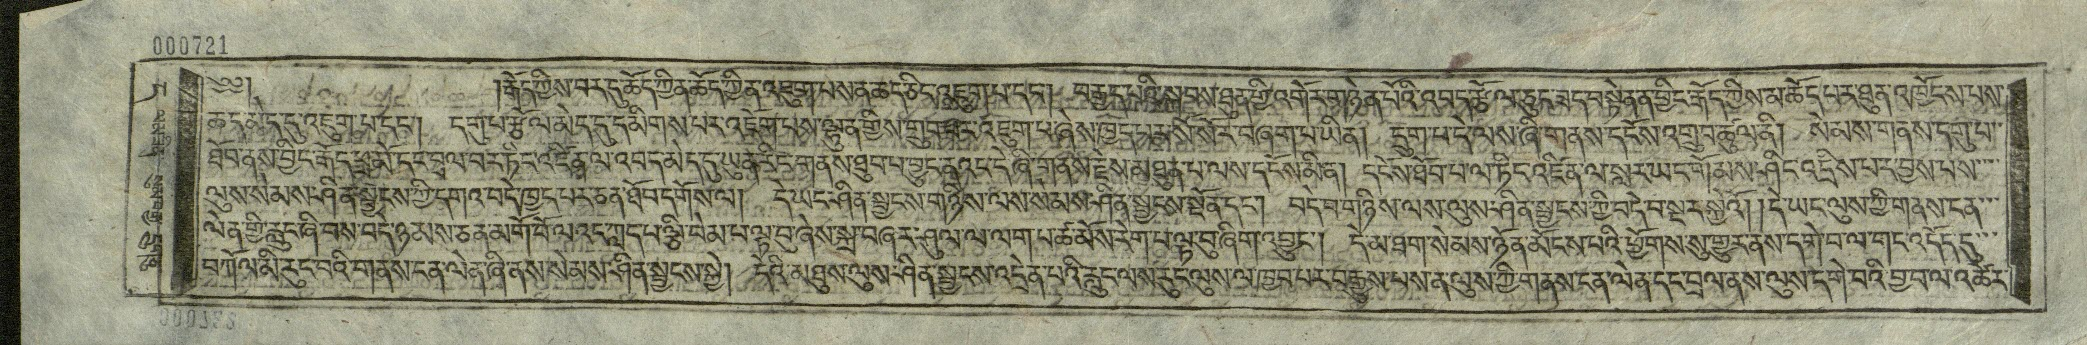༄༅། །རྒོད་ཀྱིས་བར་དུ་ཆོད་ཀྱིན་ཆོད་ཀྱིན་འཇུག་པས་ན་ཆད་ཅིང་འཇུག་པ་དང་། བརྒྱད་པའི་སྐབས་ཐུན་གྱི་འགོར་གཉེན་པོའི་འབད་རྩོལ་ཅུང་ཟད་བསྟེན་ན་བྱིང་རྒོད་ཀྱིས་མཆོད་པར་ཐུན་འཁྱོངས་པས་
ཆད་མེད་དུ་འཇུག་པ་དང་། དགུ་པ་རྩོལ་མེད་དུ་དམིགས་པར་འཇོག་པས་ལྷུན་གྱིས་གྲུབ་པར་འཇུག་པ་ཞེས་ཁྱད་པར་སོ་སོར་བཞག་པ་ཡིན། དྲུག་པ་དེ་ལས་ཞི་གནས་དངོས་འགྲུབ་ཚུལ་ནི། སེམས་གནས་དགུ་པ་
ཐོབ་ནས་བྱིང་རྒོད་ཕྲ་མོ་དང་བྲལ་བར་ཏིང་འཛིན་ལ་འབད་མེད་དུ་ཡུན་རིང་གནས་ཐུབ་པ་བྱུང་ནའང་དེ་ཞི་གནས་རྗེས་མཐུན་པ་ལས་དངོས་མིན། དངོས་ཐོབ་པ་ལ་ཏིང་འཛིན་ལ་སླར་ཡང་གོམས་ཤིང་འདྲིས་པར་བྱས་པས་
ལུས་སེམས་ཤིན་སྦྱངས་ཀྱི་དགའ་བདེ་ཁྱད་པར་ཅན་ཐོབ་དགོས་ལ། དེ་ཡང་ཤིན་སྦྱངས་གཉིས་ལས་སེམས་ཤིན་སྦྱངས་སྔོན་དང་། བདེ་བ་གཉིས་ལས་ལུས་ཤིན་སྦྱངས་ཀྱི་བདེ་བ་སྔར་སྐྱེའོ། །དེ་ཡང་ལུས་ཀྱི་གནས་ངན་
ལེན་གྱི་རླུང་ཞི་བས་བདེ་ཉམས་ཅན་མགོ་བོ་ལའང་ཀླད་པ་ལྕི་བེམ་པ་ལྟ་བུ་ཞེས་སྐྲ་བཞར་ཤུལ་ལ་ལག་པ་ཚ་མོས་རེག་པ་ལྟ་བུ་ཞིག་འབྱུང་། དེ་མ་ཐག་སེམས་ཉོན་མོངས་པའི་ཕྱོགས་སུ་གྱུར་ནས་དགེ་བ་ལ་གང་འདོད་དུ་
བཀོལ་མི་རུང་བའི་གནས་ངན་ལེན་ཞི་ནས་སེམས་ཤིན་སྦྱངས་སྐྱེ། དེའི་མཐུས་ལུས་ཤིན་སྦྱངས་འདྲེན་པའི་རླུང་ལས་རུང་ལུས་ལ་ཁྱབ་པར་བརྒྱུས་པས་ན་ལུས་ཀྱི་གནས་ངན་ལེན་དང་བྲལ་ནས་ལུས་དགེ་བའི་བྱ་བ་ལ་འཚེར་